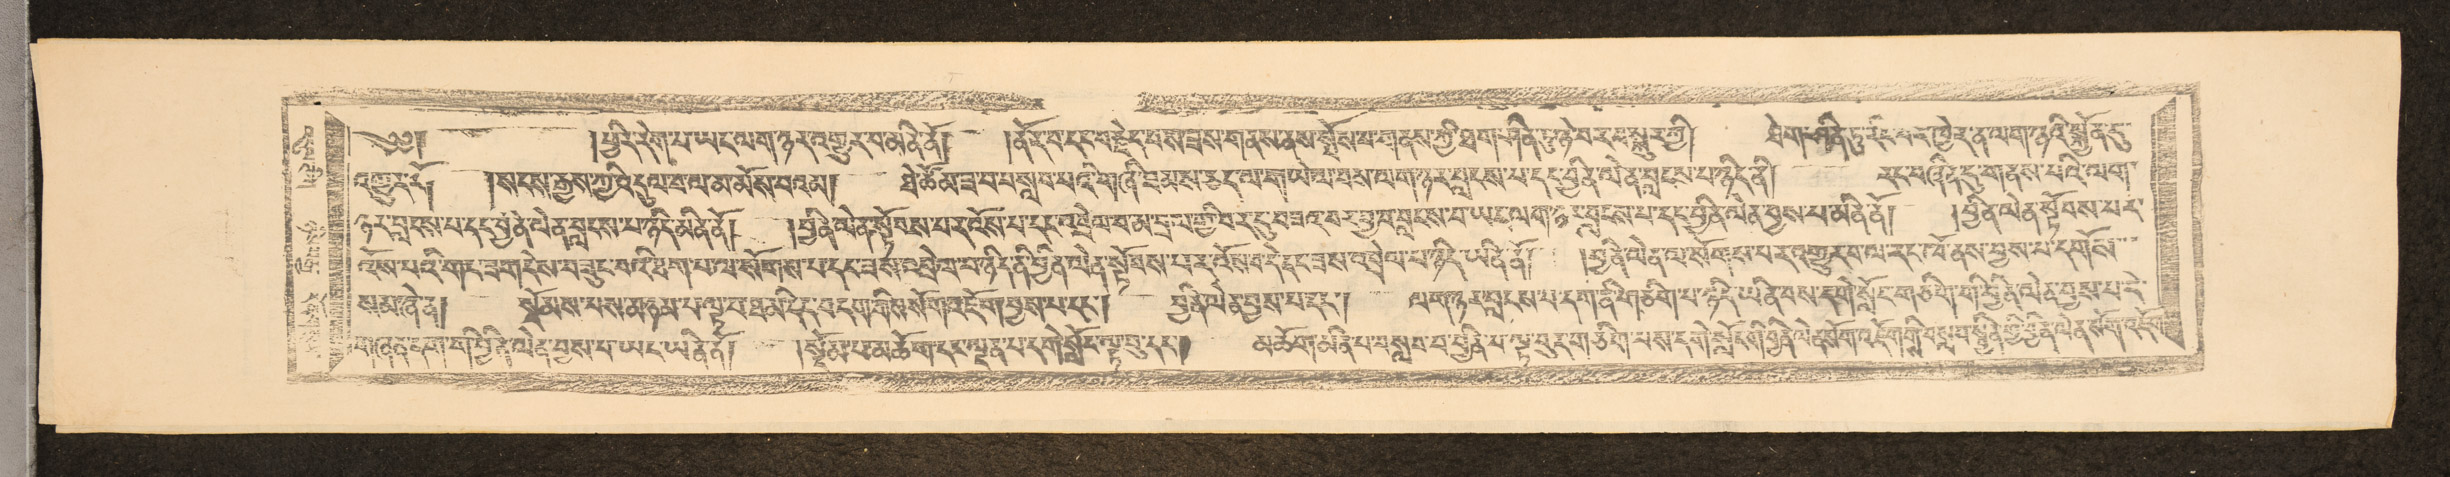༄༅། །ཕྱིར་རེག་བ་ཡང་ལག་ཉར་འགྱུར་བ་མིན་ནོ། །ནོར་བ་དང་བརྗེད་པས་ཟས་གནས་ནས་སྤོས་པ་གནས་ཀྱི་ཐག་ཤིན་ཏུ་ཉེ་བར་བསྐུར་གྱི། ཐག་ཤིན་ཏུ་རིང་བར་ཁྱེར་ན་ལག་ཉའི་སྐྱོན་དུ་
འགྱུར་རོ། །སངས་རྒྱས་ཀྱི་འདུལ་བ་ལ་མ་མོས་པའམ། ཐེ་ཚོམ་ཟ་བ་བསླབ་བའི་གཞི་ཐམས་ཅད་ལ་གཡེལ་བས་ལག་ཉར་བླངས་པ་དང་བྱིན་ལེན་བླངས་པ་ཉིད་ནི། རང་བཞིན་དུ་གནས་པའི་ལག་
ཉར་བླངས་པ་དང་བྱིན་ལེན་བླངས་པ་ཉིད་མིན་ནོ། །བྱིན་ལེན་སྟོབས་བར་འོས་པ་དང་འབྲེལ་པ་མ་བྲལ་གྱི་བར་དུ་བཟའ་བར་བྱ་བ་བླངས་པ་ཡང་ལག་ཉར་བླངས་པ་དང་བྱིན་ལེན་བྱས་པ་མིན་ནོ། །བྱིན་ལེན་སྟོབས་པར་
འོས་པའི་གང་ཟག་ངེས་བཟུང་བའི་ཐག་པ་ལ་སོགས་པ་དང་ཟས་འབྲེལ་བ་ཉིད་ནི་བྱིན་ལེན་སྟོབས་པར་འོས་པ་དེ་དང་ཟས་འབྲེལ་པ་ཉིད་ཡིན་ནོ། །བྱིན་ལེན་ལ་སོགས་པར་འགྱུར་བ་ལ་རང་ཁོ་ནས་བྱས་པ་དགོས་
སམ་ཞེ་ན། སྔོམས་པས་མཉམ་པ་ལྟ་བ་ཐ་མི་དད་པ་ངག་གིས་སོག་འཇོག་བྱས་པ་དང་། བྱིན་ལེན་བྱས་པ་དང་། ལག་ཉར་བླངས་བ་དག་ནི་གཅིག་པ་ཉིད་ཡིན་པས་དགེ་སློང་གཅིག་གི་བྱིན་ལེན་བྱས་པ་དེ་
གཞན་དག་གི་བྱིན་ལེན་བྱས་པ་ཡང་ཡིན་ནོ། །སྡོམ་བ་མཆོག་དང་ལྡན་པ་དགེ་སློང་ལྟ་བུ་དང་། མཆོག་མིན་པ་བསླབ་བ་བྱིན་པ་ལྟ་བུར་གཅིག་པས་དགེ་སློང་གི་བྱིན་ལེན་སོག་འཇོག་གིས་བསླབ་སྦྱིན་གྱི་བྱིན་ལེན་སོག་འཇོག་